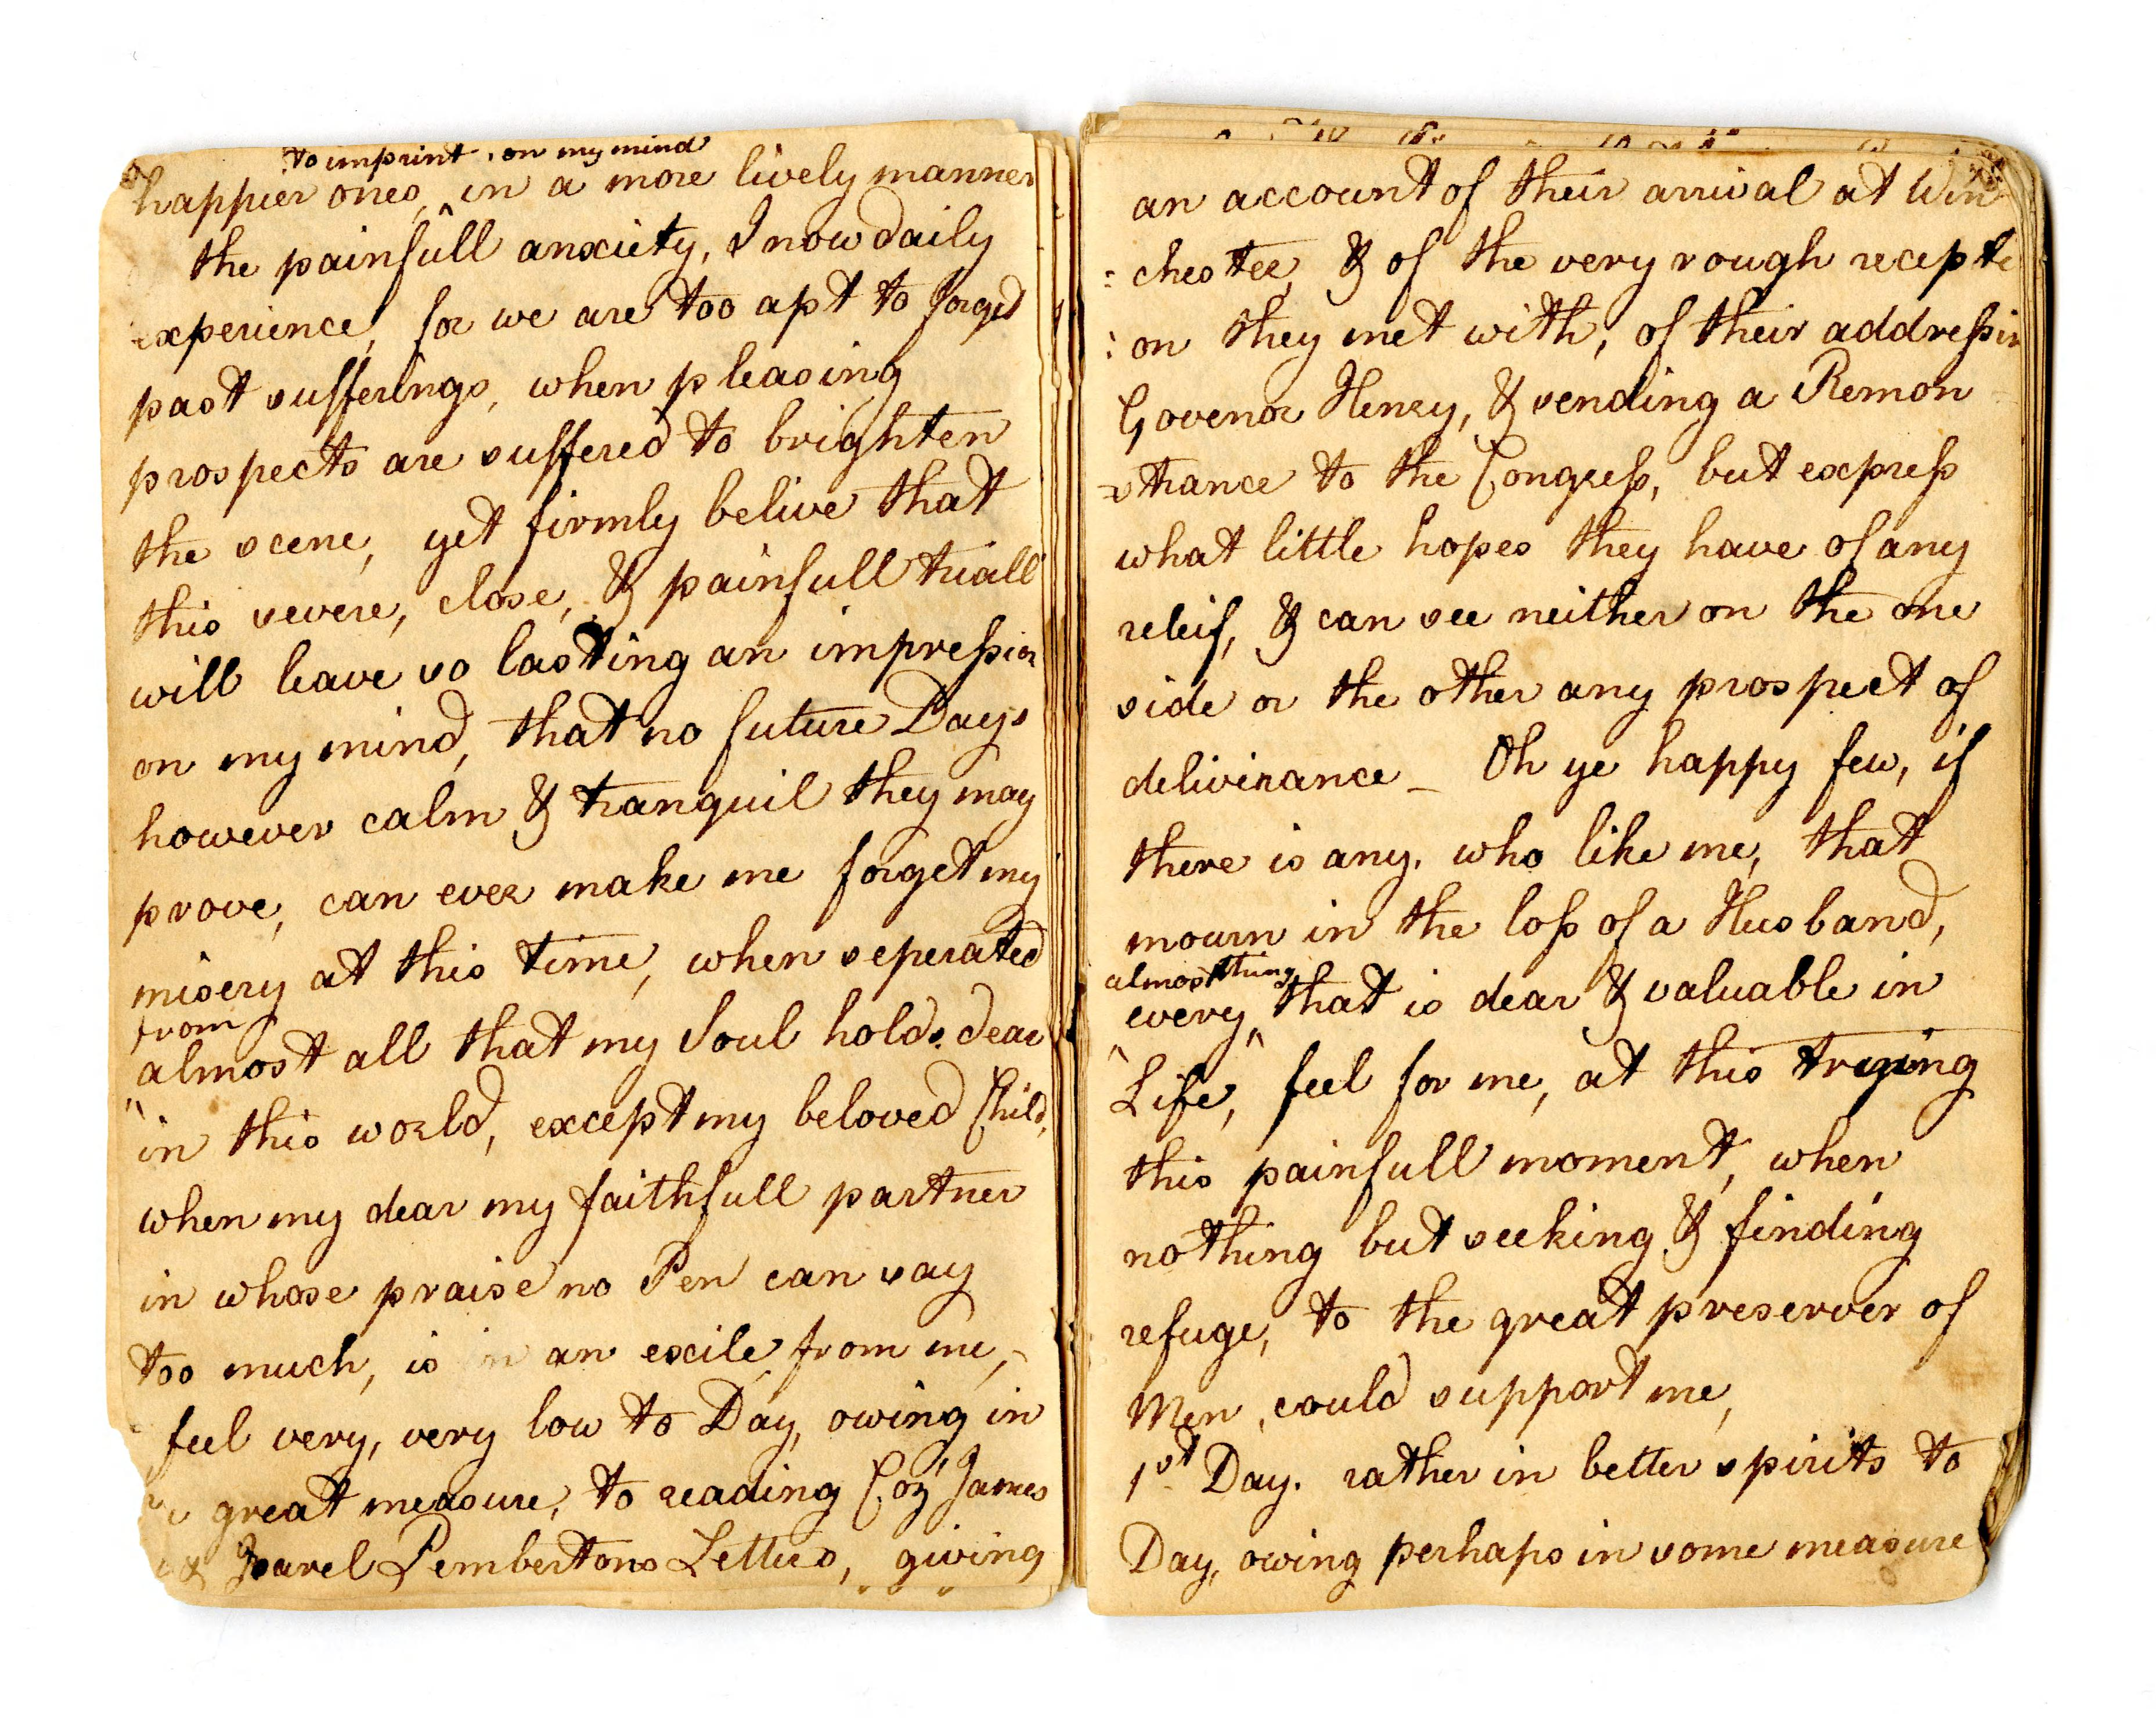to imprint on my mind
happier ones, ^ in a more lively manner
the painfull anxiety, I now daily
experience, for we are too apt to forget
past sufferings when pleasing
prospects are suffered to brighten
the scene, yet firmly belive that
this severe, close, & painfull triall
will leave so lasting an impression
on my mind that no future Days
however calm & tranquil they may
prove can ever make me forget my
misery at this time, when seperated
almost all that my Soul holds dear
in this world, except my beloved Child,
when my dear my faithfull partner
in whose praise no Pen can say
too much, is in an exile from me,
feel very, very low to Day owing in
a great measure, to reading Coz James
& Isarel Pembertons Letters, giving
an account of their arrival at Win
-chester & of the very rough recepti
-on they met with, of their addressin
Govenor Henry, & sending a Remon
-strance to the Congress, but express
what little hopes they have of any
releif, & can see neither on the one
side or the other any prospect of
delivirance- Oh ye happy few, if
there is any who like me, that
mourn in the loss of a Husband,
almost thing
every ^ that is dear & valuable in
Life, feel for me at this trying
this painfull moment when
nothing but seeking & finding
refuge, to the great preserver of
Men, could support me,
1^st Day, rather in better spirits to
Day, owing perhaps in some measure